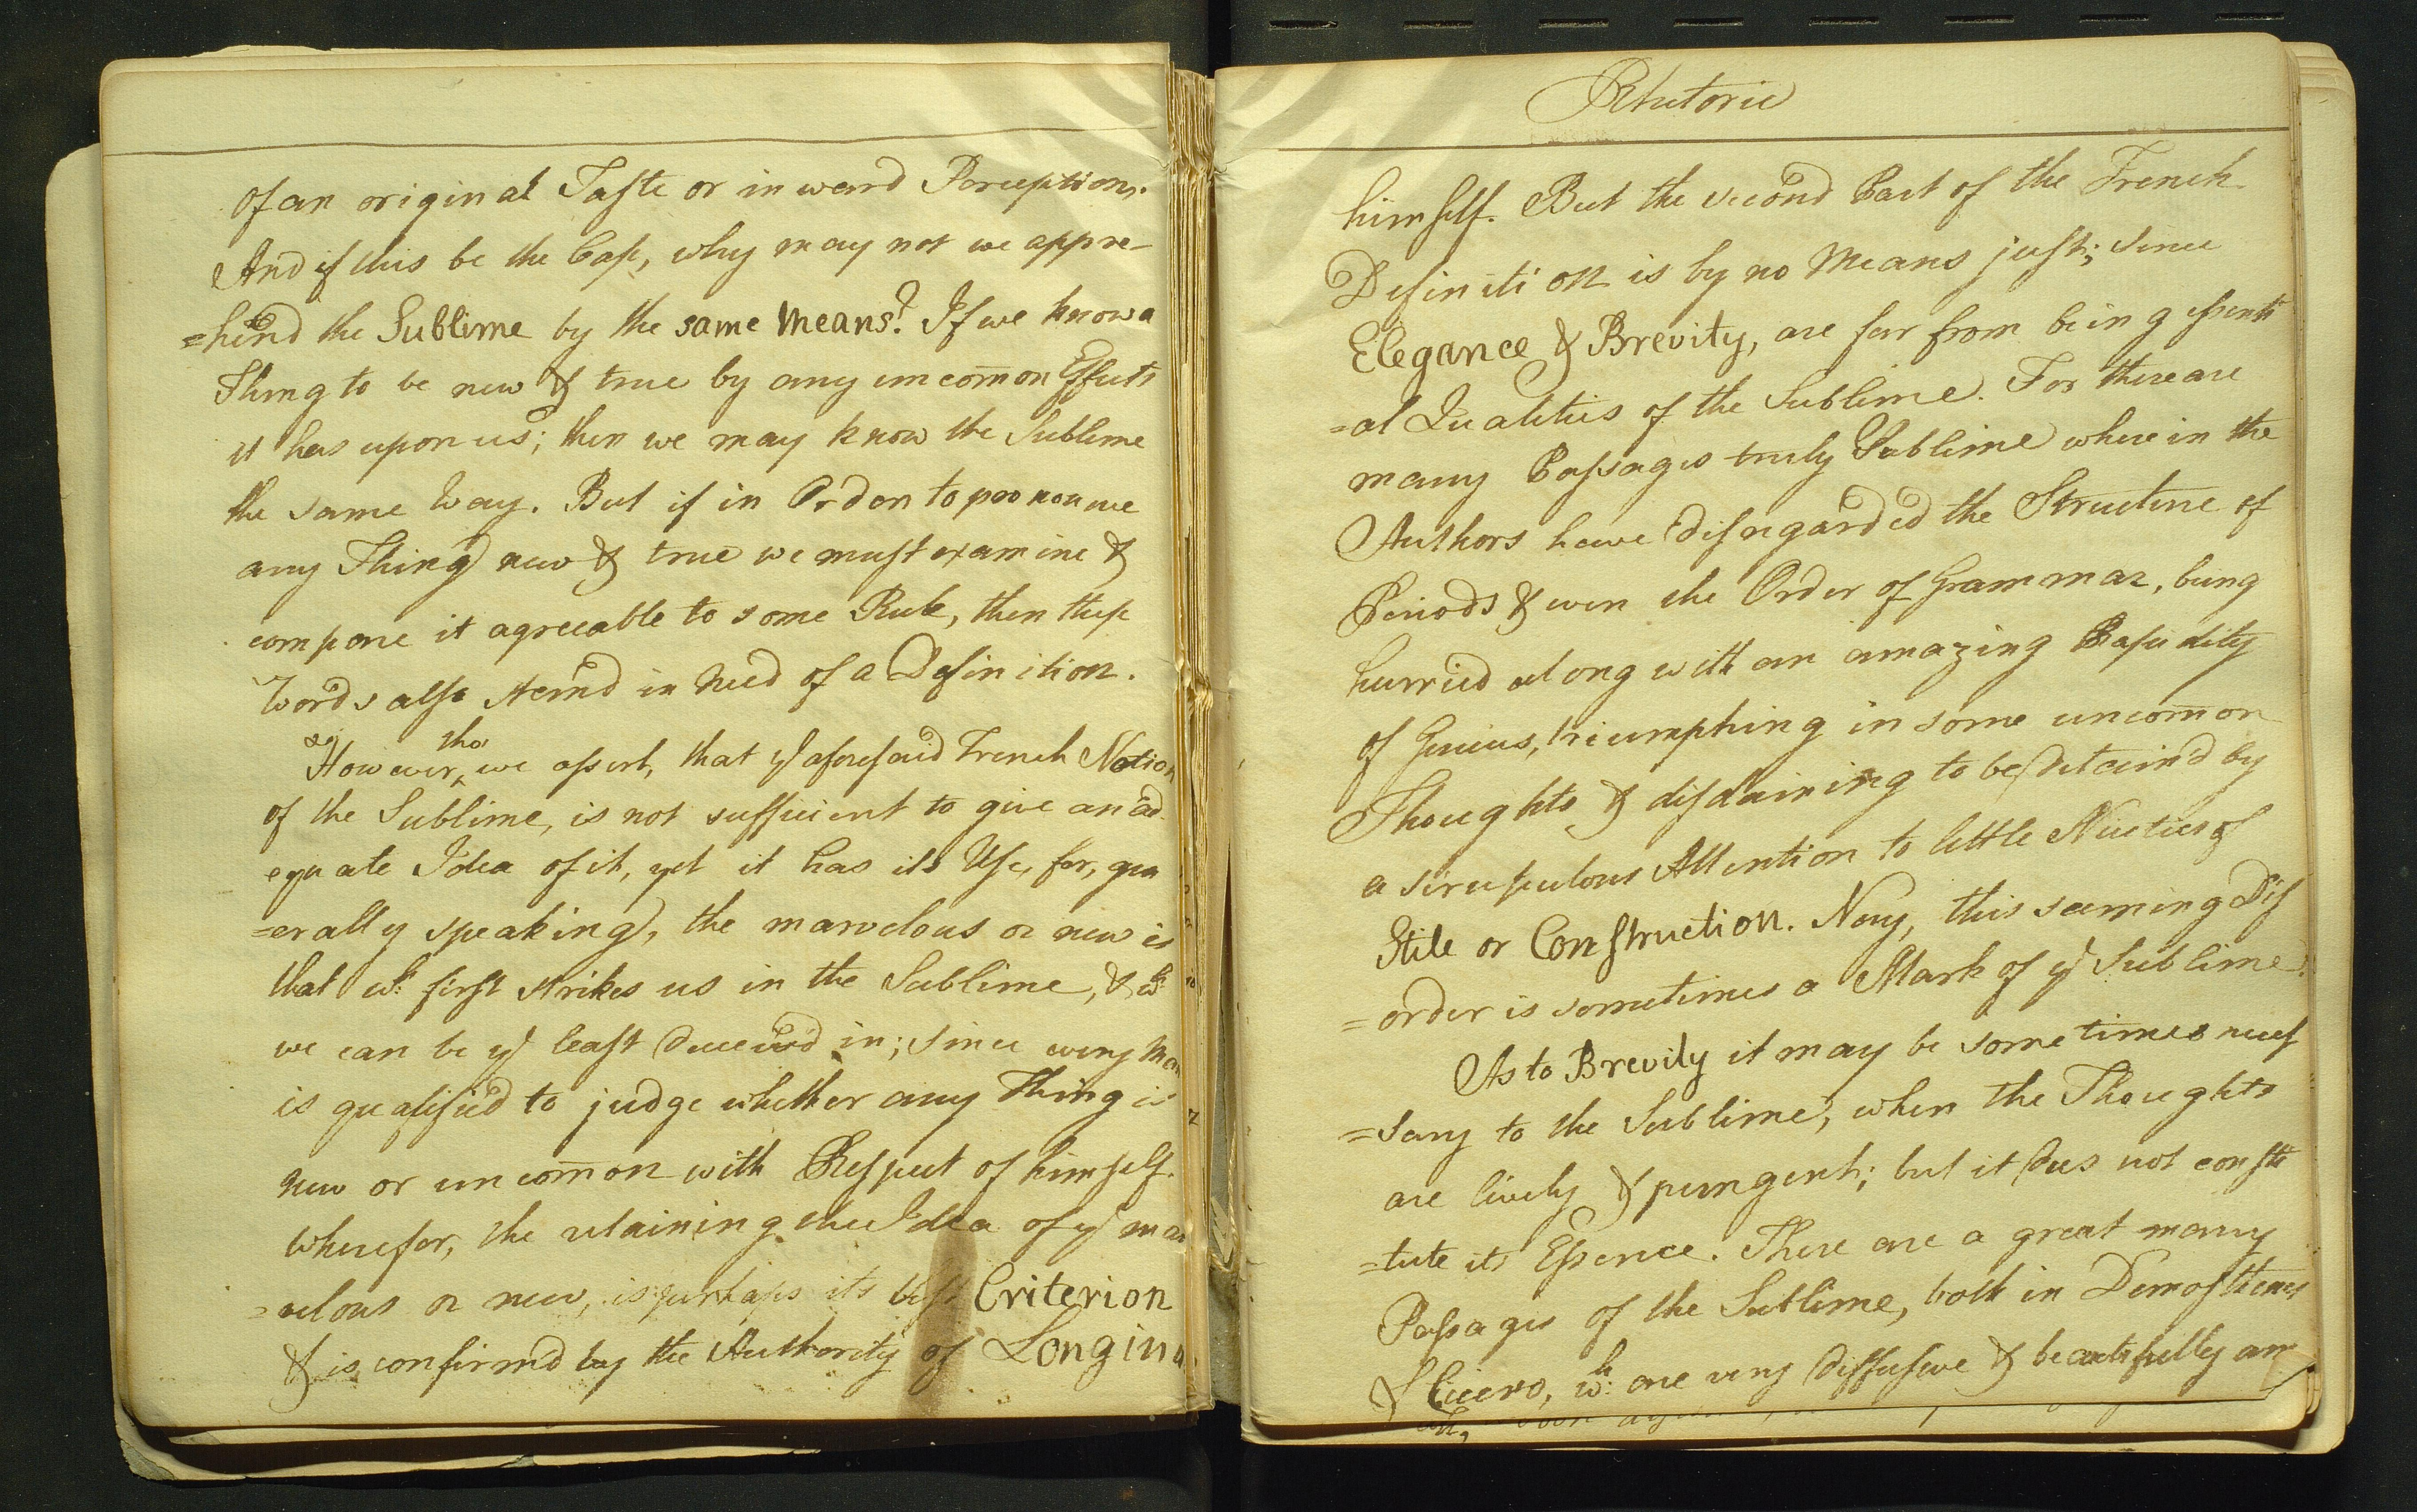of an original Taste or inward Perceptions.
And if this be the Case, why may not we appre-
-hend the Sublime by the same means? If we know a
Thing to be new & true by any uncom̄on Effects
it has upon us; then we may know the Sublime
the same way. But if in Order to pronounce
any Thing new & true we must examine &
compose it agreeable to some Rule, then these
Words also stand in need of a Definition.
tho'
However, ^ we assert, that y^e aforesaid French Notion
of the Sublime, is not sufficient to give an ad-
equate Idea of it, yet it has its Use, for, gen
-erally speaking, the marvelous or new is
that w^h: first strikes us in the Sublime, & w^h:
we can be y^e least deceived in; since every Man
is qualified to judge whether any Thing is
new or uncom̄on with Respect of himself.
Wherefor, the retaining the Idea of y^e mar
velous or new, is perhaps its best Criterion
& is confirm'd by the Authority of Longinus
Rhetoric
himself. But the second Part of the French
Definition is by no Means just; since
Elegance & Brevity, are for from being essenti
-al Qualities of the Sublime. For there are
many Passages truly Sublime where in the
Authors have disregarded the Structure of
Periods & even the Order of Grammar, being
hurried along with our amazing [_]asudity
of Genius, triumphing in some uncom̄on
Thoughts & disdaining to be detain'd by
a scrupulous Attention to little Niceties of
Stile or Construction. Nay, this seeming Dis
-order is sometimes a Mark of y^e Sublime.
As to Brevity it may be sometimes neces
-sary to the Sublime, when the Thoughts
are lively & pungent; but it does not consti
-tute its Essence. There are a great many
Passages of the Sublime, both in Demosthenes
& Cicero, w^h are very diffusive & beautifully ar